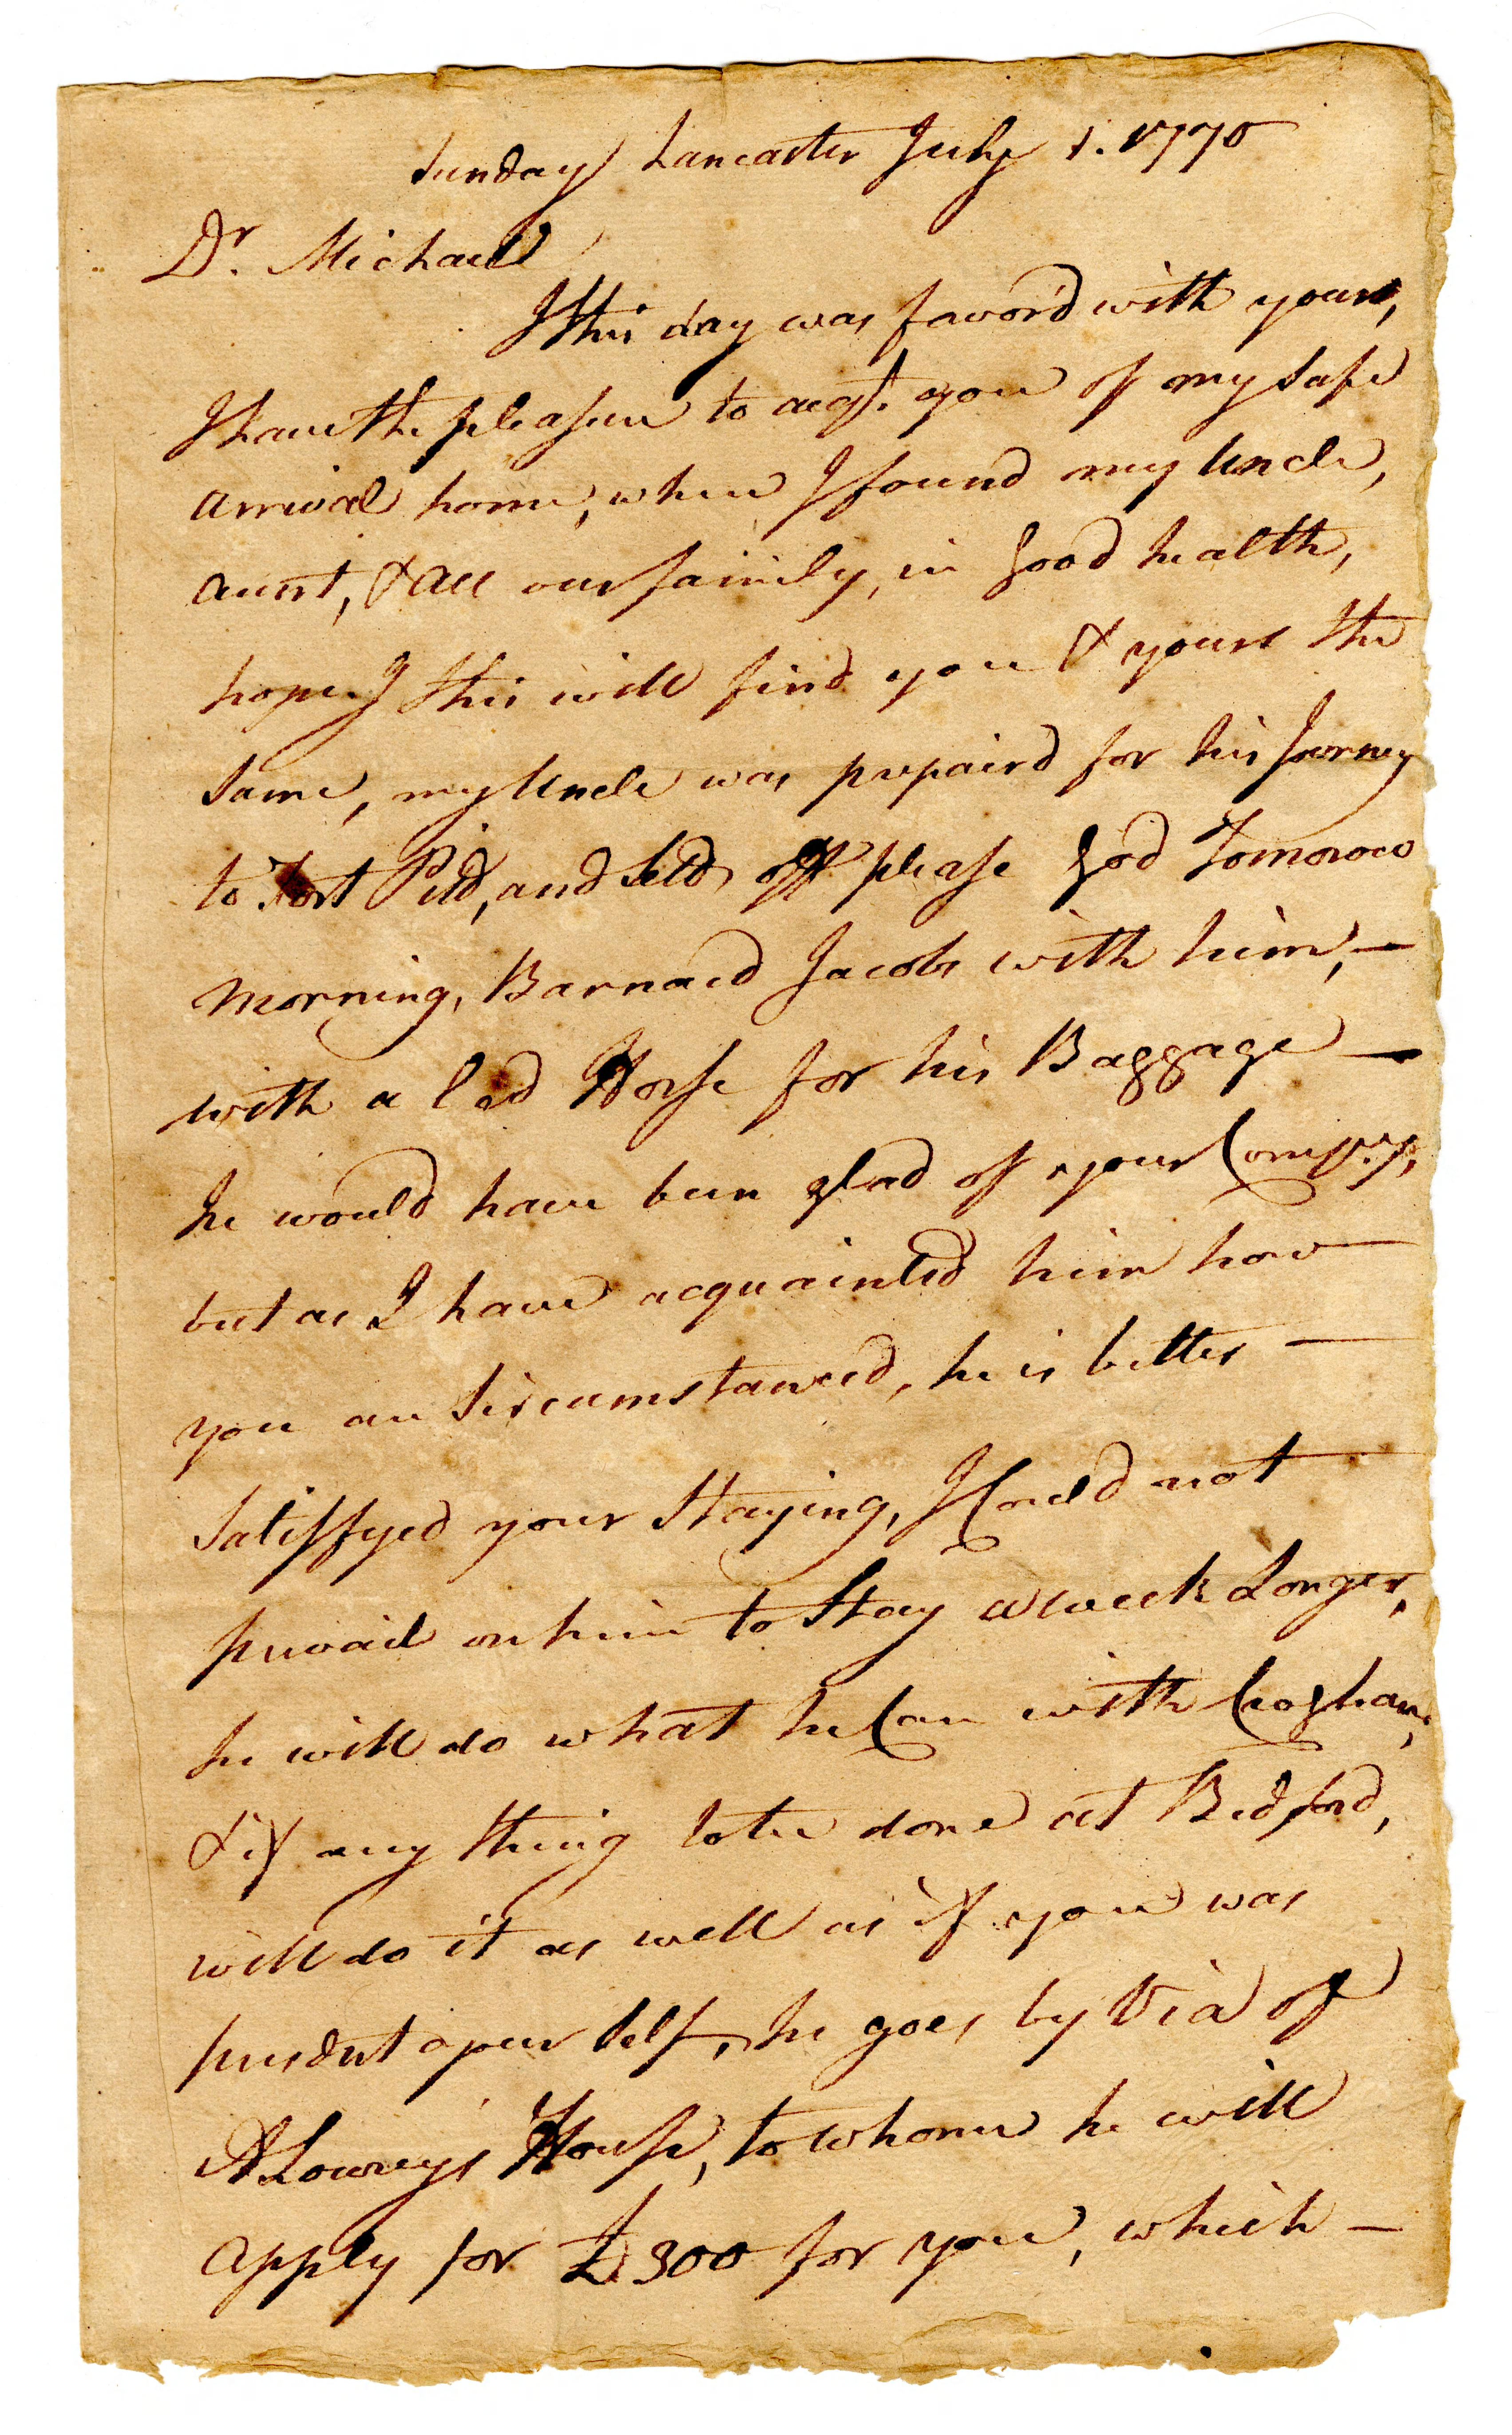Sunday Lancaster July 1st. 1770
D^r. Michael
I this day was favor'd with your,
I have the pleasure to acq^t. you of my safe
arrival home, where I found my Uncle
aunt, & All our family, in good health,
hope I this will find you & yours the
same, my Uncle was prepaird for his Journey
to Fort Pitt, and sold off please God Tomorrow
morning, Barnard Jacobs with him,-
with a led Horse for his Baggage-
he would have been glad of your Compy,
but as I have aquainted him how
you are Sircumstanced, he is better-
Satisfyed your Staying, & Could not
prevail on him to Stay a week Longer
he will do what he Can with Croghan
& if any thing to be done at Bedford,
will do it as well as if you was
present your self, he goes by Via of
A Lowreys House, to whom he will
apply for £300 for you, which-